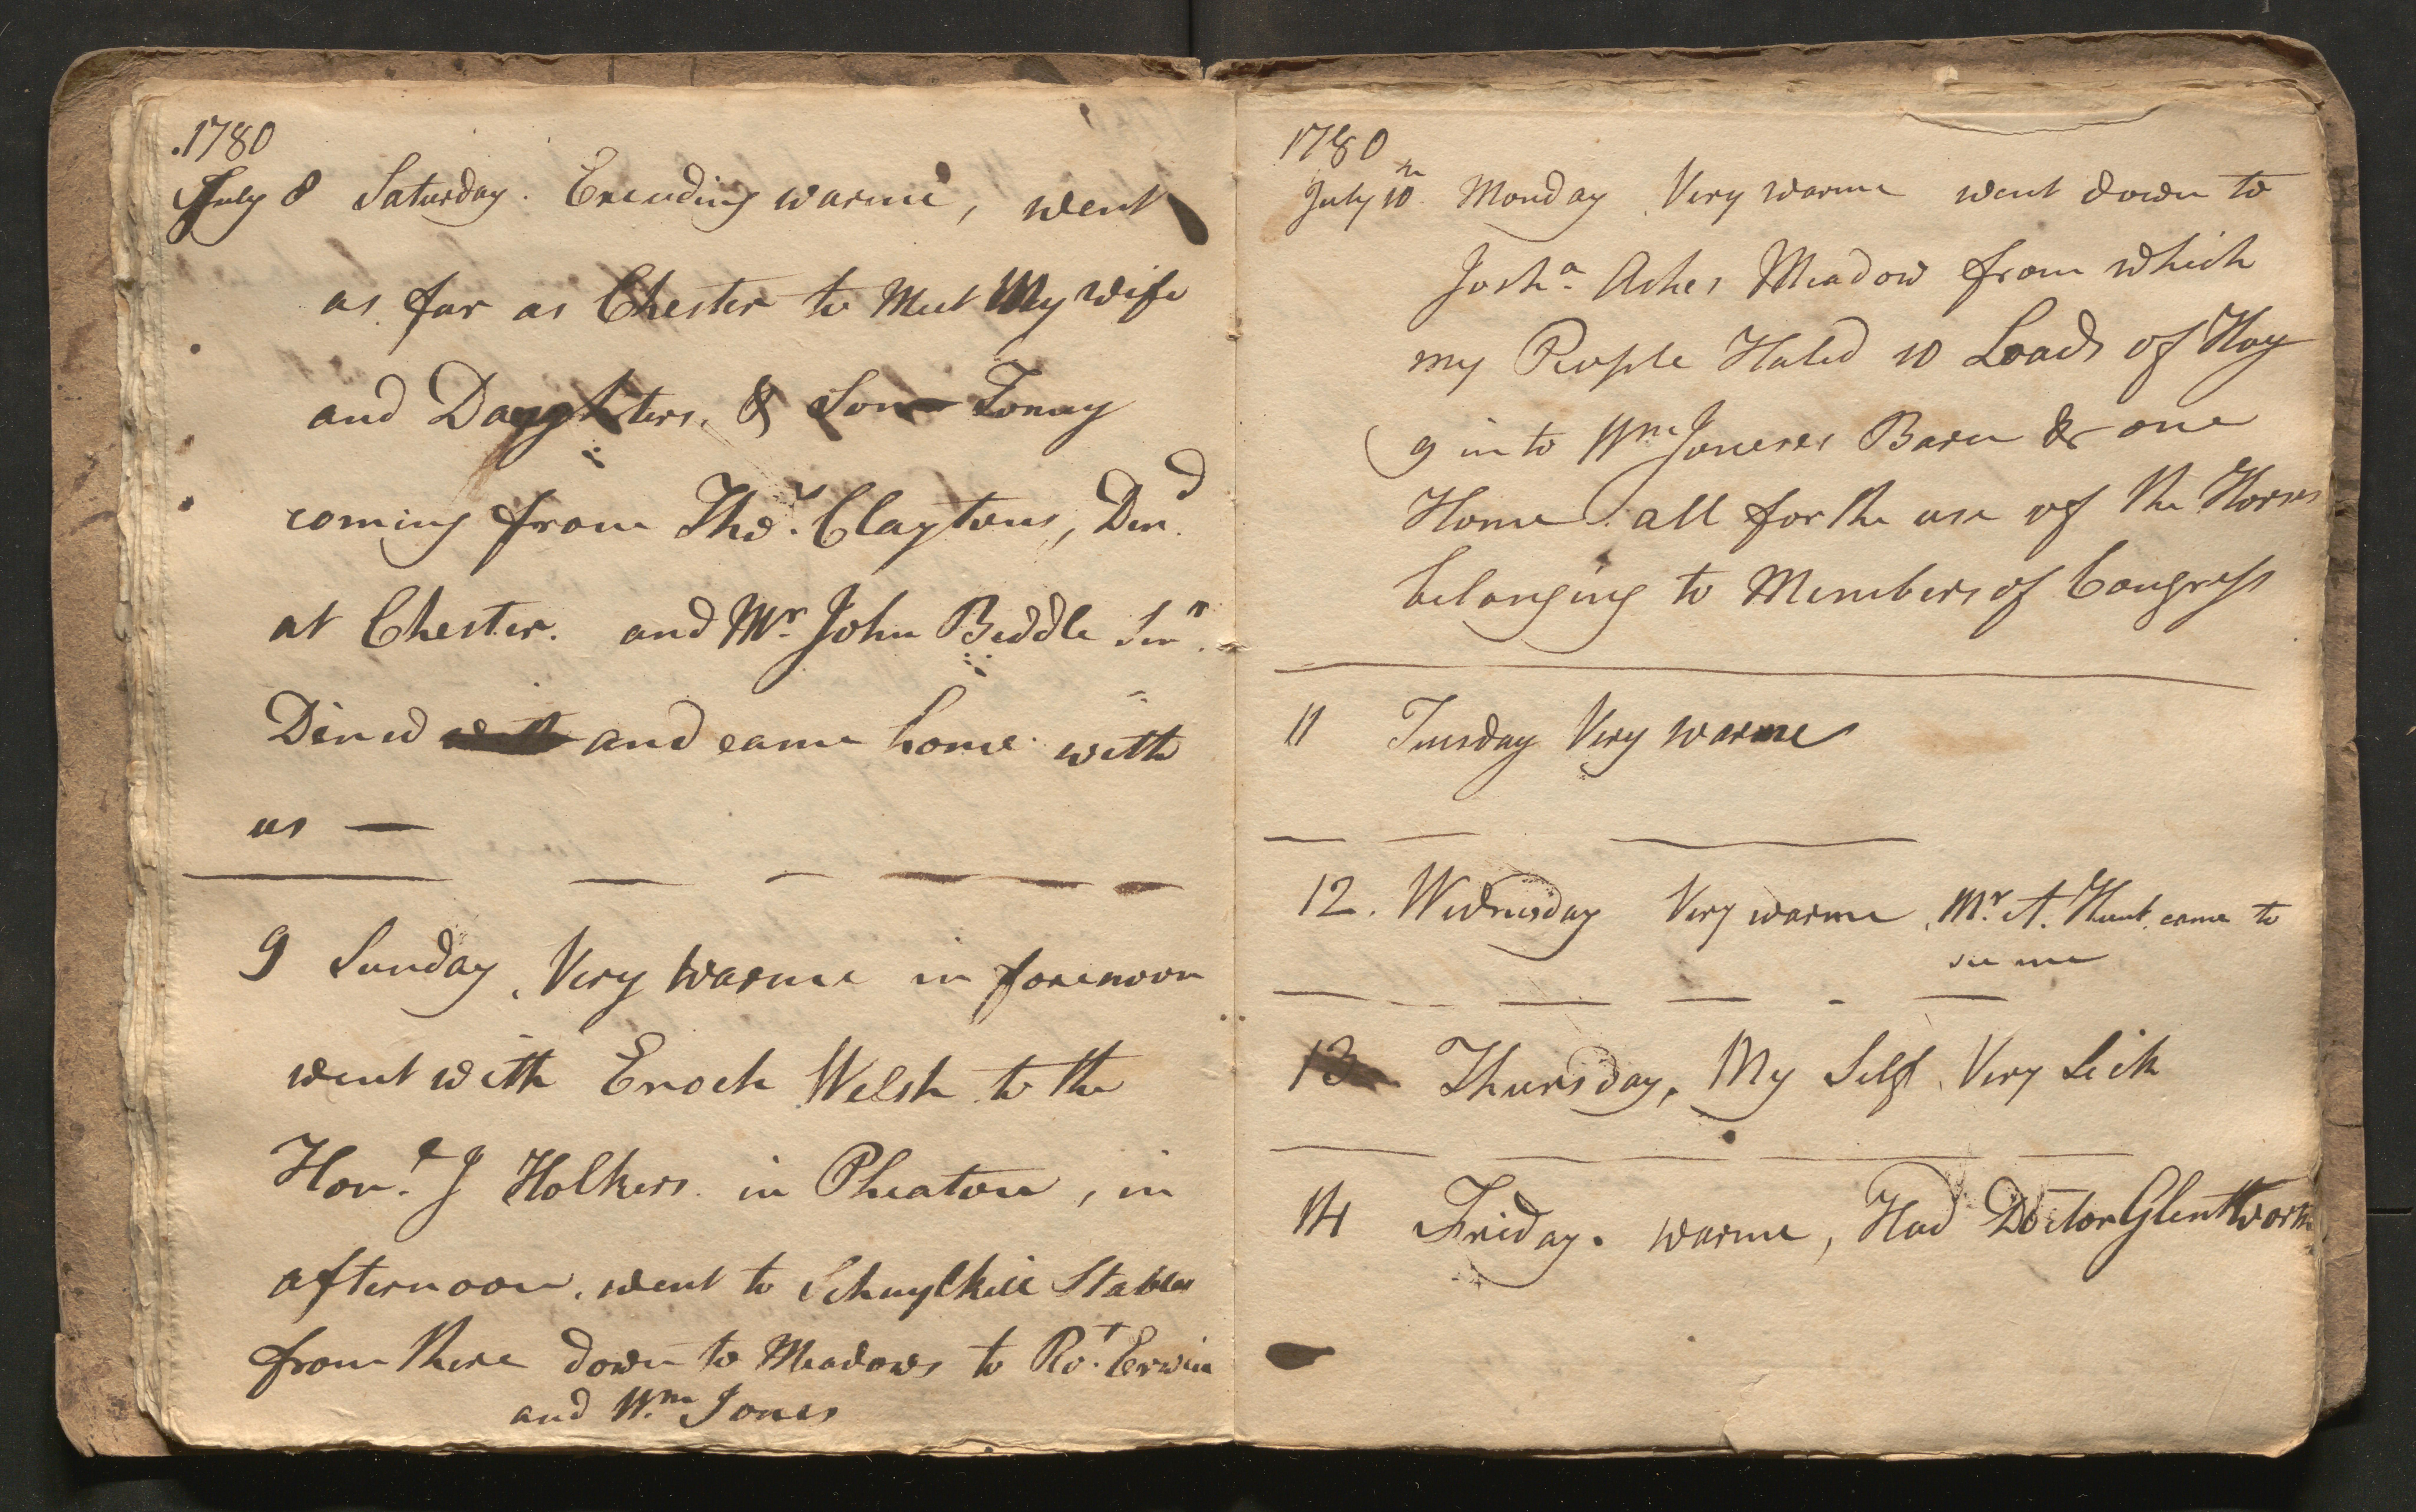1780
July 8 Saturday. Exceding warme, went
as far as Chester to Meet My Wife
and Dayghters. & son Tomey
coming from Tho^s. Claytons, Din^d.
at Chester. and M^r. John Biddle Sen^r.
Dined [with] and came home; with
us
9 Sunday
Very warme in forenoon
went with Enoch Welsh to the
Hon^l. J Holkers in Pheaton, in
afternoon. went to Schuylkill Stables
from there down to Meadows to Ro^t. Erwin
and M^m. Jones
1780
July 10^th. Monday Very warme went down to
Josh^a. Ashes Meadow from which
my People Haled 10 Loads of Hay
9 into W^m Joneses Barn & one
Home all for the use of the Horses
belonging to Members of Congress
11 Tuesday Very warme
12. Wednesday Very warme, M^r. A. Hunt came to
see mne
13 Thursday, My Self Very sick
14 Friday. warme, Had Doctor Glentworth